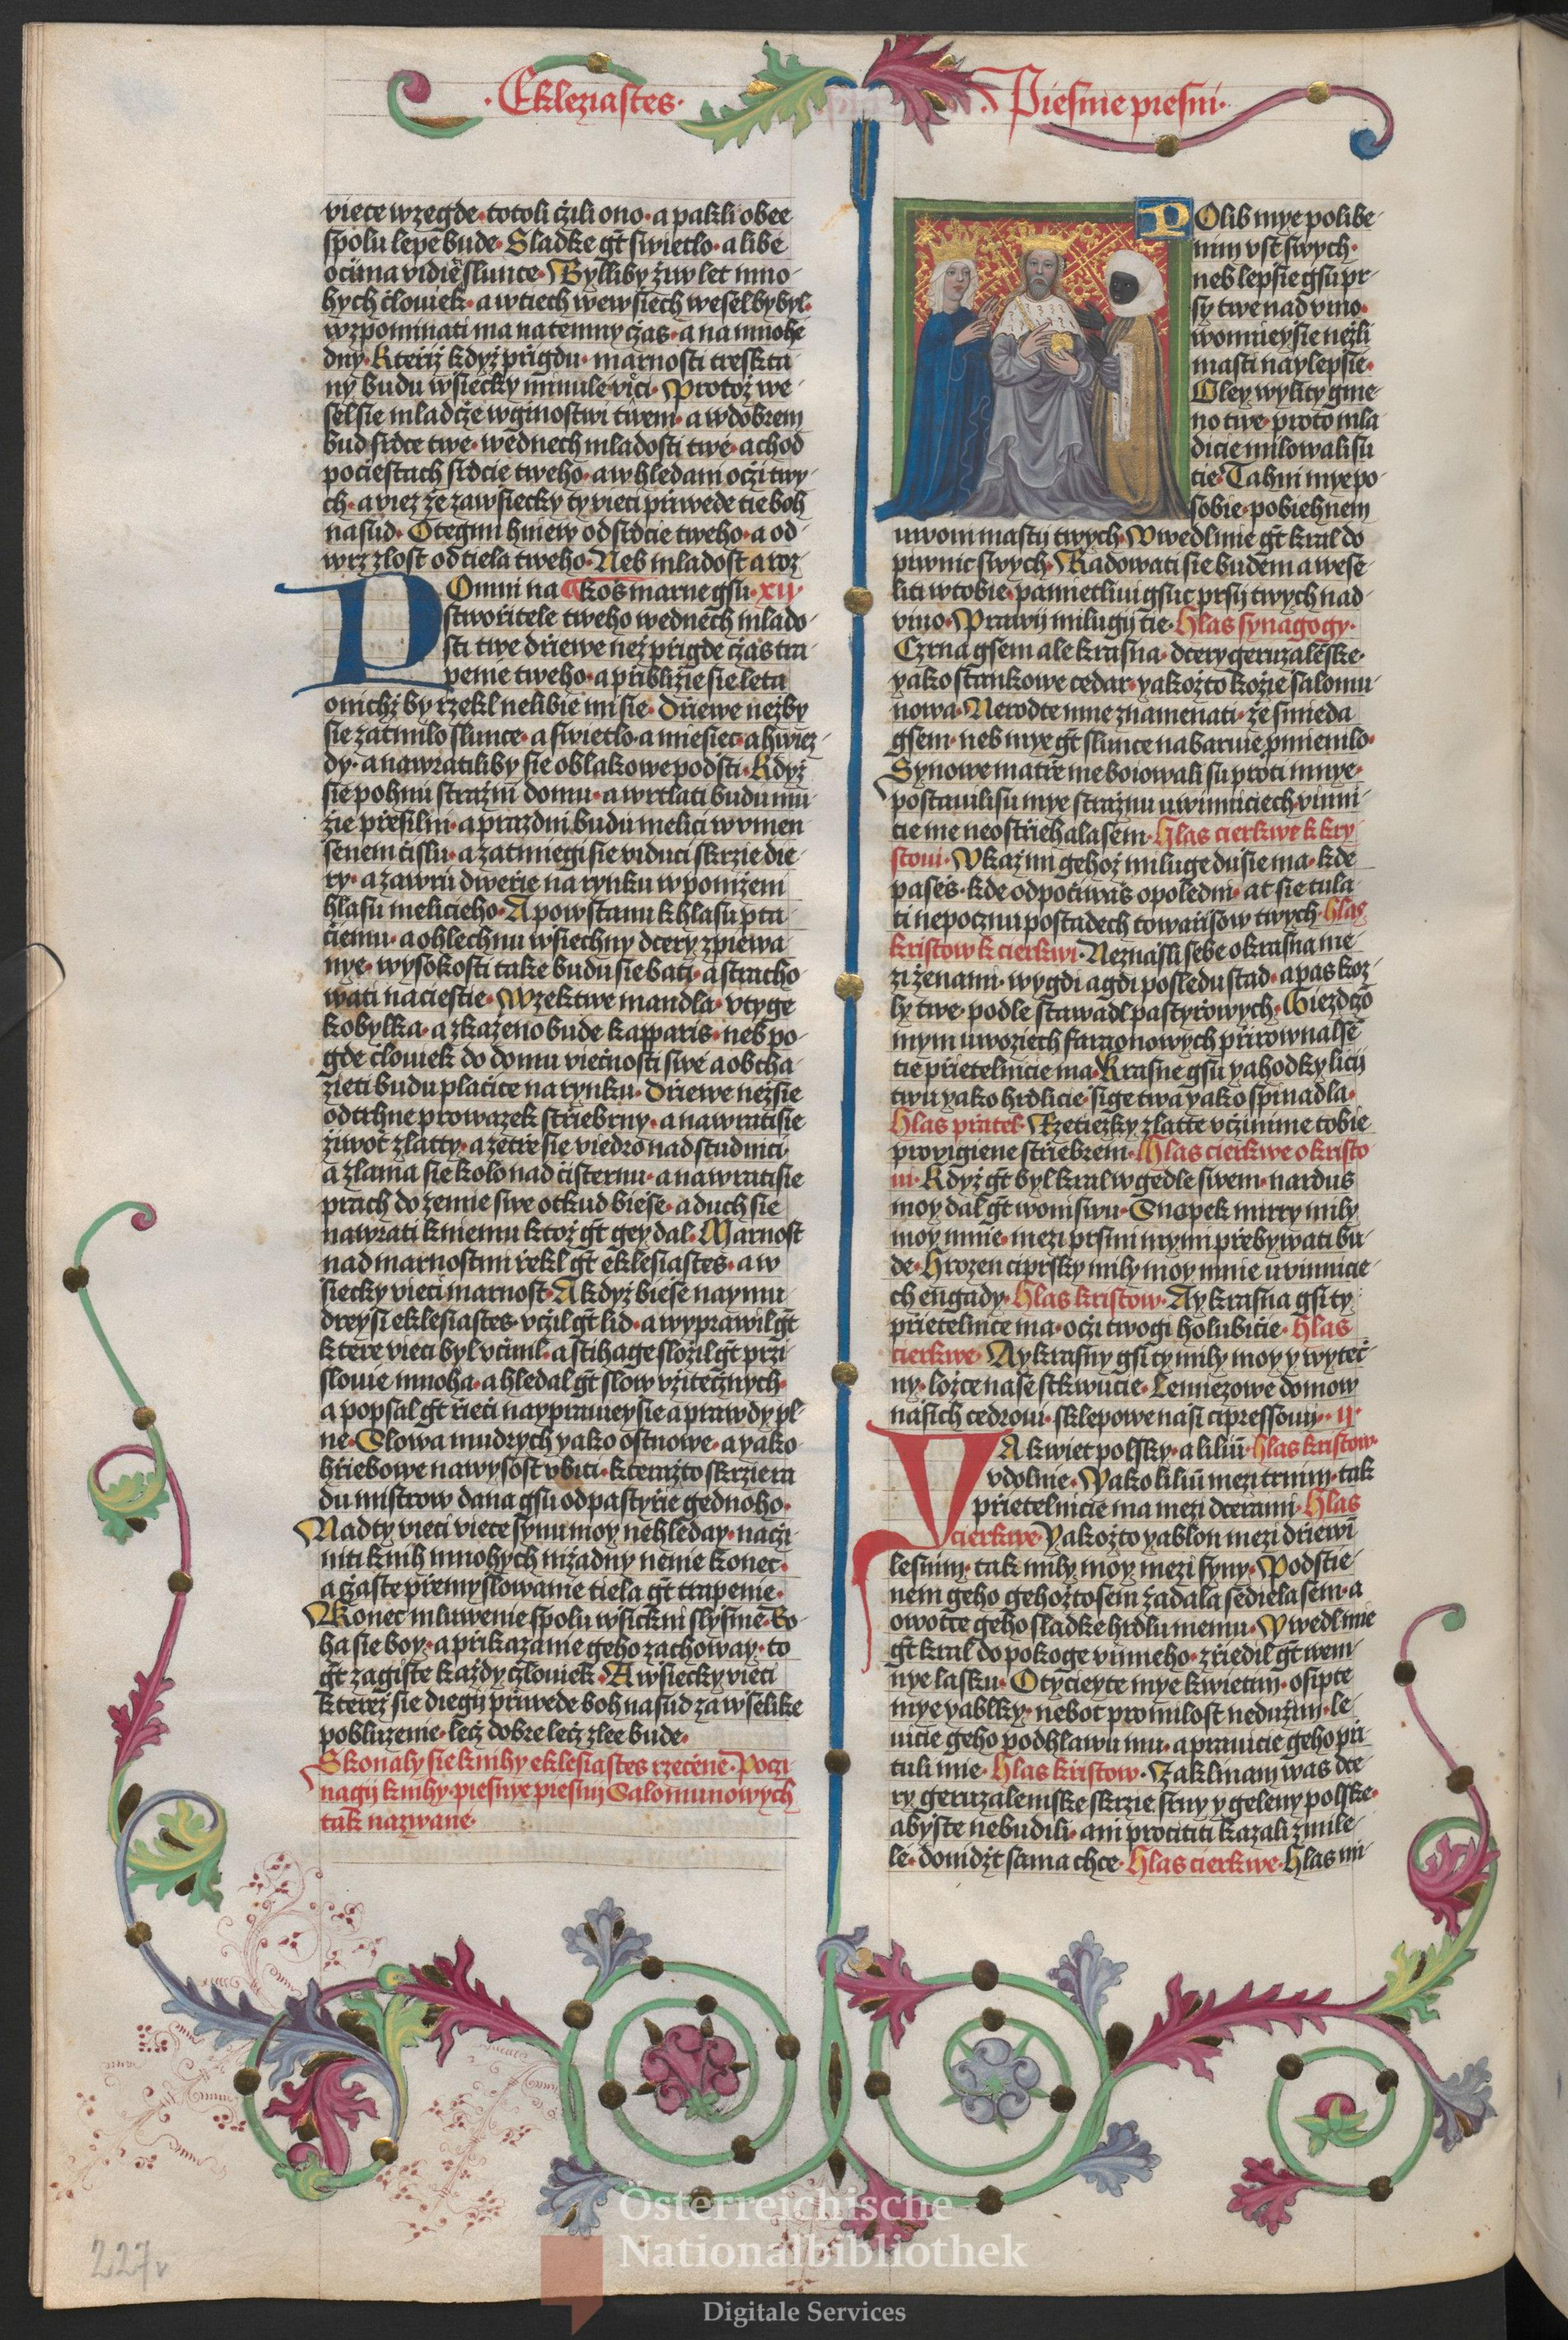Ekleziaſtes .
viece wzegde. totoli cżili ono.a pakli obee
ſpolu lepe bude. Sladke ḡt ſwietlo.a libé
oċima vídieti ſlunce. Bylliby żiw let mno¬
hych ċlouiek. a w tiech we wẛiech weſelbybyl.
wzpomínati ma na temny cżas.a na mnohé
dny.Kteṙíż kdyż pṙígdu. marnoſti treſkta¬
ny budu wẛiecky minulé wiͤcí. Protoż we¬
ſel ſie mladcże w ginoſtwí twem.a w dobrem
buď ſrdce twe.wednech mladoſti twé.a chod
po cieſtach ſrdcie tweho.a w hledaní ocżí twy¬
ch. a viez że za wẛiecky ty vieci pṙiwede tie boh
na ſud. Otegmi hneiw od ſrdcie tweho.a od¬
wrz zloſt od tiela tweho.Neb mladoſt a roz¬
Omni na koṡ marne gſu.xij.
ſtwoṙitele tweho we dnech mlado¬
ſti twe dṙiewe neż pṙigde cżas tra¬
penie tweho.a pṙibliżie ſie leta
o nichż by ṙzekl nelibíe mi ſíe. Dṙiewe neżby
ſie zatmilo ſlunce.a ſwietlo.a mieſiec.a hwiez¬
dy.a nawratili by ſíe oblakowe podṡti. Kdyż
ſie pohnu ſtrażní domu. a wrtlati budú mu¬
żie pṙeſilní. a prazdni budú melicí w vmen¬
ẛenem ċiẛlu.a zatmiegi ẛíe viducí ſkrzie díe¬
ry. a zawrú dweṙie na rynku w poníżení
hlaſu melicíeho.A powſtanu k hlaſu pta¬
ċíemu.a ohlechnu wẛiechny dcery zpiewa¬
nye. wyſokoſti take budu ſie bati.a ſtracho¬
wati na cieſtie.Wzektwe mandla.vtyge
kobylka. a zkażeno bude kapparis.neb po¬
gde ċlouiek do domu víeċnoſti ſwé a obcha¬
zíetí budu plaċíce na rynku.Dṙiewe neżſie
odtrhne prowazek ſtṙiebrny.a nawrati ſie
żiwot zlatty.a zetṙe ſie viedro nad ſtudnicí.
a zlama ſie kolo nad ċiſternu. a nawrati ſie
prach do zemie ſwe otkud bieẛe.a duch ſie
nawrati k niemu ktoż ḡt gey daſ. Marnoſt
nad marnoſtmi ṙekl ḡt ekleſiastes.a w¬
ẛiecky vieci marnoſt. A kdyż bíeẛe naymu¬
dreyẛí ekleſiaſtes.vcżil ḡt lid.a wyprawil ḡt
ktere vieci byl vċinil.a ſtíhage ſlożil ḡt przi¬
ſlouíe mnoha.a hledal ḡt ſlow vżitecżnych.
a popſal ḡt ṙieċi nayprauieyẛie a prawdy pl¬
ne. Slowa mudrych yako oſtnowe.a yako
hṙiebowe nawyſoſt vbití.kterażto ſkrzie ra¬
du míſtrow dana gſu odpaſtyṙie gednoho.
Nadty vieci viece ſynumoy nehleday.nacżi¬
niti kníh mnohych niżadny neníe konec.
a cżaſte pṙemyẛlowaníe tiela ḡt trapeníe
Konec mluweníe ſpolu wẛickni ſlyẛme.Bo¬
ha ſie boy.a pṙikazaníe geho zachoway.to
ḡt zagiſte każdy cżlouiek. A wẛiecky vieci
ktereż ſíe diegíj pṙiwede boh na ſúd za wẛelike
pobluzeníe.lecż dobre lecż zlee bude.
Skonaly ẛie knihy ekleſiaſtes rzeċene. Poczi¬
nagij kníhy.pieſnye píeſníj Salomunowych
tak nazwané.
Pieſnie pieſní
Olib mye polibe¬
ním vſt ſwych.
neb lepẛie gſu pr¬
ſy twe nad vino.
wonnieyẛie neżli
maſti naylepẛíe
Oley wylity gme¬
no twe proto mla¬
dicie milowali ſu
tie.Tahni mye po
ſobie pobiehnem
uwoni maſtij twych.Vwedlmie ḡt kral do
prwnic ſwych Radowati ſie budem a weſe¬
liti w tobie pamietliui gſuc prſij twych nad
víno Prawij milugij tie . Hlas synagogy
Czrna gſem ale kraſna. dcery geruzalēſke.
yako ſtankowe cedar.yakożto kożie ẛalomu¬
nowa.Nerodte mne znamenati.że ſmieda
gſem.neb mye ḡt ſlunce na baruie ꝑmienilo.
Synowe matṙe me boiowali ſu proti mnye
postauiliſu mye ſtrażnu u winniciech vinni¬
cie me neoſtṙiehala ſem.Hlas cierkwe k kry¬
ſtoui.Vkażmi gehoż miluge duẛie ma.kde
paſeṡ.kdeodpoċíwaṡ o poledni.at ſie tula¬
ti nepocznu poſtadech towaṙiẛow twych.hlas
kriſtow k cierkwi.Neznaẛli ſebe okraſna me¬
zi żenami. wygdi a gdi poſledu ſtad.a pas koz¬
ly twe podle ſtawadl paſtyṙowych.Giezdczō
mym u woziech faraonowych pṙirownal ſē
tie pṙietelnicie ma.Kraſne gſu yahodky licij
twu yako hrdlicie.ẛige twa yako ſpinadla.
Hlas pṙatel.Rzetiezky zlatte vcżinime tobie
provigiene ſtṙiebrem.Hlas cíerkwe o kriſto¬
ui.Kdyż ḡt byl kral w gedle ſwem.nardus
moy dal ḡt woni ſwu.Snapek mirry mily
moy mnie.mezi prſmi mymi pṙebywati bu¬
de.Hrozen ciprſky mily moy mnie u vinnicie¬
ch engady Hlas kriſtow.Ay kraſna gſi ty
pṙietelnice ma ocżi twogi holubiċie.Hlas
cierkwe. Ay kraſny gſi ty mily moy y wyteċ¬
ny lożce naẛe ſtkwucie.Lemiezowe domow
naẛich cedrouí.ſklepowe naẛi cipreſſouij.II.
A kwiet polſky·a liliū. hlas kriſtow .
vdolnie.Yako liliū mezi trnim. tak
pṙietelnicie ma mezi dcerami.Hlas
cierkwe.Yakożto yablon mezi dṙiewī
leſnim.tak mily moy mezi ſyny.Pod ſtie¬
nem geho gehożto ſem żadala ſediela ſem.a
owotce geho ſladke hrdlu memu.Y wedl mie
ḡt kral do pokoge vinneho.zṙiedil ḡt wem¬
nye laſku.Otycieyte mye kwíetím.oſipte
mye yablky.nebot promiloſt nedużim. le¬
uicie geho pod hlawu mu.a prauicie geho pṙi¬
tuli mie.Hlas kriſtow.Zaklinam was dce¬
ry geruzalemſke ſkrzie srny y geleny polſke.
abyẛte nebudili.ani procititi kazali zmile¬
le.donidżt sama chce.hlas cierkwe.hlas mi¬